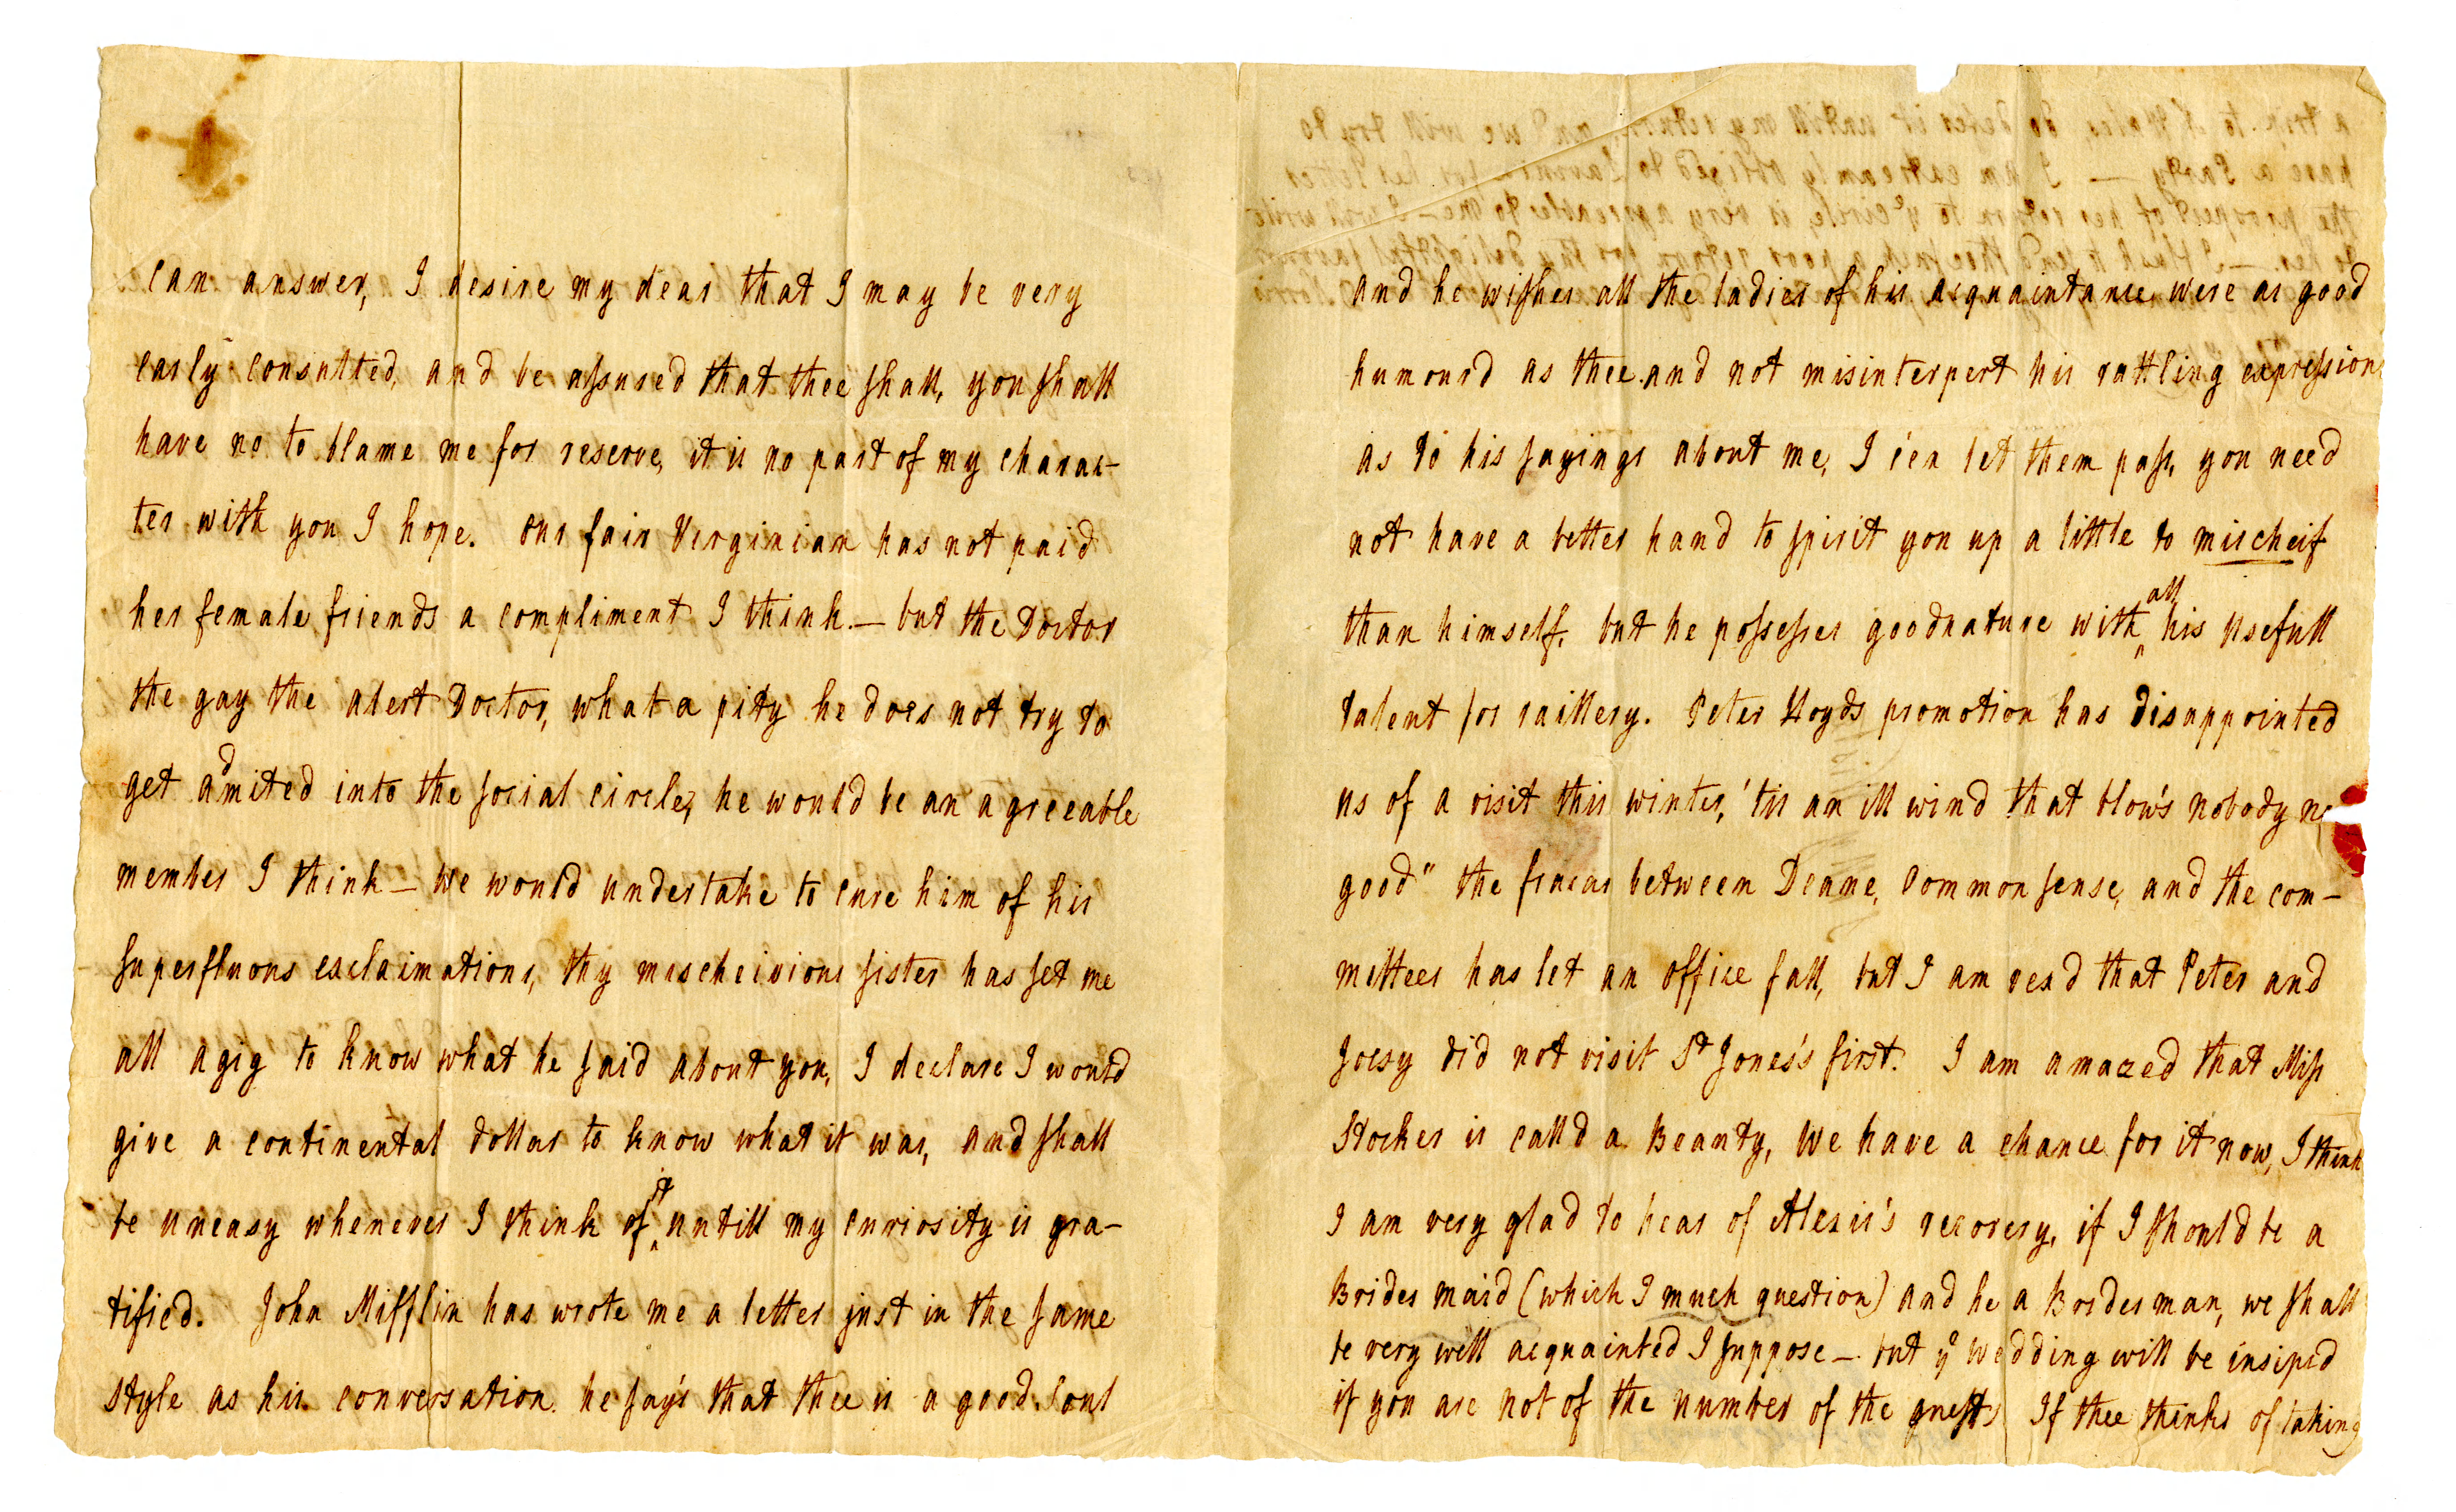can answer, I desire my dear that I may be very
early consulted and be assured that thee shall, you shall
have no to blame me for reserve, it is no part of my charac-
ter with you I hope. one fair Virginian has not paid
her female friends a compliment I think.- but the Doctor
the gay the alert Doctor, what a pity he does not try to
get a^dmited into the social circle he would be an agreeable
member I think- we would undertake to cure him of his
superfluous exclaimations, thy mischeivious sister has set me
all agig to know what he said about you, I declare I would
give a continental dollar to know what it was, and shall
be uneasy whenever I think of it until my curiosity is gra-
tified. John Mifflin has wrote me a letter just in the same
style as his conversation. he say's that thee is a good sort
and he wishes all the ladies of his acquaintance were as good
humourd as thee and not misinterpret his rattling expression
as to his sayings about me, I r'en let them pass, you need
not have a better hand to spirit you up a little to mischeif
all
than himself, but he possesses good nature with ^ his usefull
talent for raillery. Peter Hoyds promotion has disappointed
us of a visit this winter, 'tis an ill wind that blow's nobody no
good" the fracas between Deane, common sense, and the com-
mittees has let an office fall, but I am resd that Peter and
Joesy did not visit S^t Jones's first. I am amazed that Miss
Hocker is calld a Beauty, we have a chance for it now, I think
I am very glad to hear of Alexis's recovery, if I should be a
Brides Maid (which I much question) and he a Bridesman, we shall
be very well acquainted I suppose-. but y^e wedding will be insipid
if you are not of the number of the guest If thee thinks of taking